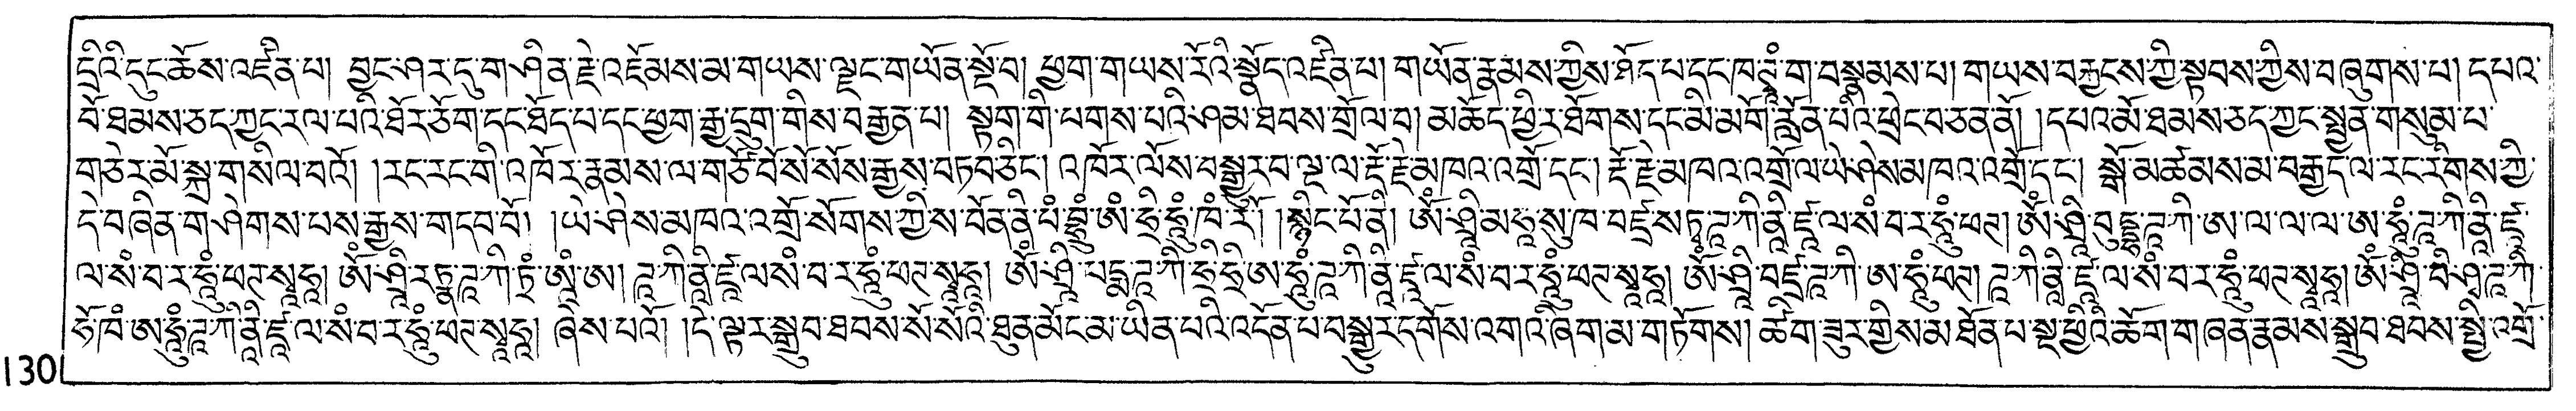དྲིའི་དུང་ཆོས་འཛིན་པ། བྱང་ཤར་དུ་གཤིན་རྗེ་འཇོམས་མ་གཡས་ལྗང་གཡོན་སྔོ་བ། ཕྱག་གཡས་རོའི་སྣོད་འཛིན་པ། གཡོན་རྣམས་ཀྱིས་ཐོད་པ་དང་ཁ་ཊྭཱཾ་ག་བསྣམས་པ། གཡས་བརྐྱངས་ཀྱི་སྟབས་ཀྱིས་བཞུགས་པ། དཔའ་
བོ་ཐམས་ཅད་ཀྱང་རལ་པའི་ཐོར་ཅོག་དང་ཐོད་པ་དང་ཕྱག་རྒྱ་དྲུག་གིས་བརྒྱན་པ། སྟག་གི་པགས་པའི་ཤམ་ཐབས་གྲོལ་བ། མཆོད་ཕྱིར་ཐོགས་དང་མི་མགོ་རློན་པའི་ཕྲེང་བ་ཅན་ནོ། །དཔའ་མོ་ཐམས་ཅད་ཀྱང་སྤྱན་གསུམ་པ་
གཅེར་མོ་སྐྲ་གསིལ་བའོ། །རང་རང་གི་འཁོར་རྣམས་ལ་གཙོ་བོ་སོ་སོས་རྒྱས་བཏབ་ཅིང་། འཁོར་ལོས་བསྒྱུར་བ་ལྔ་ལ་རྡོ་རྗེ་མཁའ་འགྲོ་དང་། རྡོ་རྗེ་མཁའ་འགྲོ་ལ་ཡེ་ཤེས་མཁའ་འགྲོ་དང་། སྒོ་མཚམས་མ་བརྒྱད་ལ་རང་རིགས་ཀྱི་
དེ་བཞིན་གཤེགས་པས་རྒྱས་གདབ་བོ། །ཡེ་ཤེས་མཁའ་འགྲོ་སོགས་ཀྱི་ས་བོན་ནི་པཾ་བྷྲུཾ་ཨཾ་ཧྲི་ཧཱུཾ་ཁཾ་རོ། །སྙིང་པོ་ནི། ཨོཾ་ཤྲཱི་མཧཱ་སུ་ཁ་བཛྲ་སཏྭ་ཌཱ་ཀི་ནཱི་ཛཱ་ལ་སཾ་བ་ར་ཧཱུཾ་ཕཊ། ཨོཾ་ཤྲཱི་བུདྡྷ་ཌཱ་ཀི་ཨ་ལ་ལ་ལ་ཨ་ཧཱུཾ་ཌཱ་ཀི་ནཱི་ཛཱ་
ལ་སཾ་བ་ར་ཧཱུཾ་ཕཊ་སྭཱཧཱ། ཨོཾ་ཤྲཱི་རཏྣ་ཌཱ་ཀི་ཏྲཾ་ཨཱཾ་ཨ། ཌཱ་ཀི་ནཱི་ཛཱ་ལ་སཾ་བ་ར་ཧཱུཾ་ཕཊ་སྭཱཧཱ། ཨོཾ་ཤྲཱི་པདམ་ཌཱ་ཀི་ཧྲི་ཧྲི་ཨ་ཧཱུཾ་ཌཱ་ཀི་ནཱི་ཛཱ་ལ་སཾ་བ་ར་ཧཱུཾ་ཕཊ་སྭཱཧཱ། ཨོཾ་ཤྲཱི་བཛྲ་ཌཱ་ཀི་ཨ་ཧཱུཾ་ཕཊ། ཌཱ་ཀི་ནཱི་ཛཱ་ལ་སཾ་བ་ར་ཧཱུཾ་ཕཊ་སྭཱཧཱ། ཨོཾ་ཤྲཱི་བི་ཤྭ་ཌཱ་ཀི་
ཧོ་ཁཾ་ཨ་ཧཱུཾ་ཌཱ་ཀི་ནཱི་ཛཱ་ལ་སཾ་བ་ར་ཧཱུཾ་ཕཊ་སྭཱཧཱ། ཞེས་པའོ། །དེ་ལྟར་སྒྲུབ་ཐབས་སོ་སོའི་ཐུན་མོང་མ་ཡིན་པའི་འདོན་པ་བསྒྱུར་དགོས་འགའ་ཞིག་མ་གཏོགས། ཚིག་ཟུར་གྱིས་མཐོན་པ་སྔ་ཕྱིའི་ཆོག་གཞན་རྣམས་སྒྲུབ་ཐབས་སྤྱི་འགྲོ་